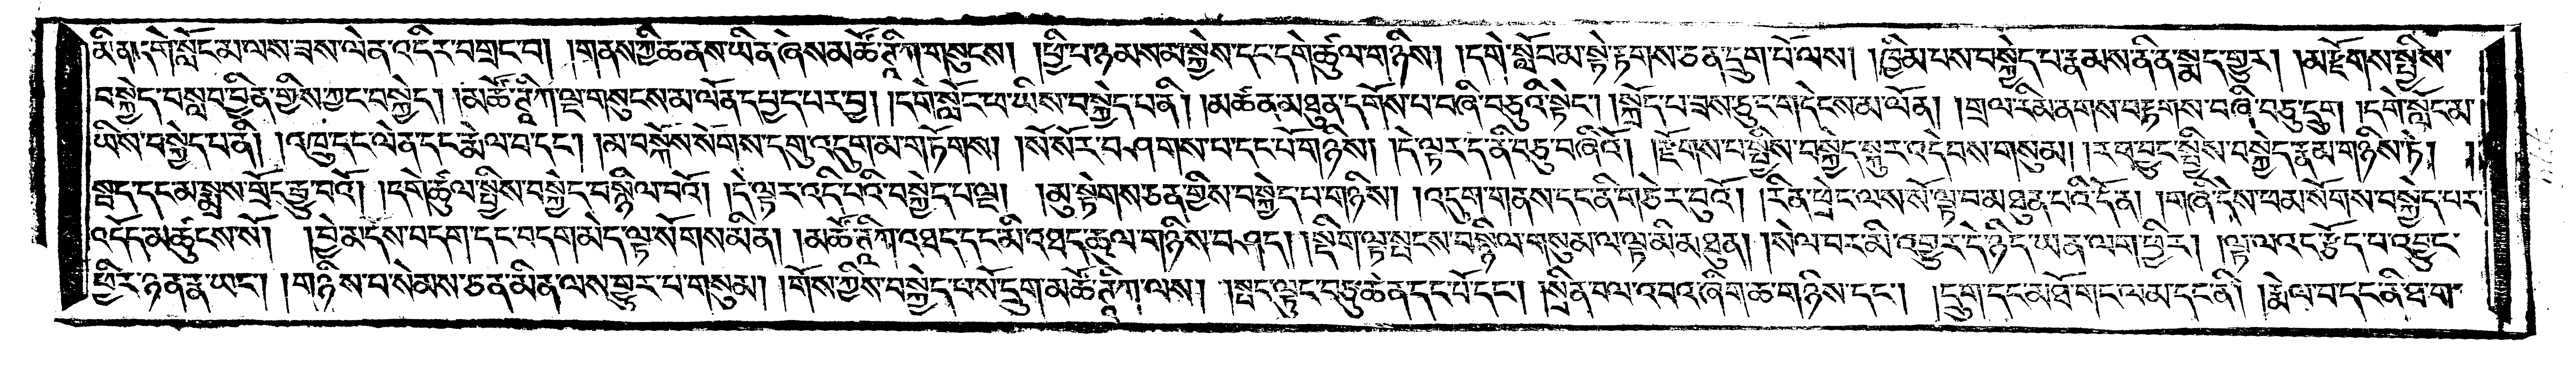མིན་དགེ་སློང་མ་ལས་ཟས་ལེན་འདིར་བགྲང་བ། །གནས་ཀྱི་ཆ་ནས་ཡིན་ཞེས་མཚོ་ཊཱིཀ་གསུངས། །ཕྱི་པ་ཉམས་མ་སྐྱེས་དང་དགེ་ཚུལ་གཉིས། །དགེ་སློབ་མ་སྟེ་རྟགས་ཅན་དྲུག་པོ་ལས། །ཁྱིམ་པས་བསྐྱེད་པ་རྣམས་ནི་ན་སྨད་གྱུར། །མ་རྫོགས་སྤྱིས་
བསྐྱེད་བསླབ་བྱིན་གྱིས་ཀྱང་བསྐྱེད། །མཚོ་ཊཱིཀ་ལྔ་གསུངས་མ་ལོན་དཔྱད་པར་བྱ། །དགེ་སློང་ཕ་ཡིས་བསྐྱེད་པ་ནི། །མཚན་མཐུན་དགོས་པ་བཞི་བཅུའི་སྟེང་། །སྐྲོད་པ་ཟས་ཅུང་གདེངས་མ་ལོན། །གྲལ་རིམ་ནགས་བརྟགས་བཞི་བཅུ་དྲུག །དགེ་སློང་མ་
ཡིས་བསྐྱོད་པ་ནི། །འཁྲུ་དང་ལེན་དང་རྨེལ་བ་དང་། །མ་བསྐོས་སོགས་དགུ་འདུག་མ་གཏོགས། །སོ་སོར་བཤགས་པ་དང་པོ་གཉིས། །དེ་ལྟར་ད་ནི་བཅུ་བཞིའོ། །རྫོགས་པ་སྤྱིས་བསྐྱེད་སྐུར་འདེབས་གསུམ། །རབ་བྱུང་སྤྱིས་བསྐྱེ་རྣམ་གཉིས་ཏེ། །
སྦད་དང་མ་སྨྲས་གྲོང་རྒྱུ་བའོ། །དག་ཚུལ་སྤྱིས་བསྐྱེད་བསྙིལ་བའོ། །དེ་ལྟར་འདི་པའི་བསྐྱེད་པ་ལྔ། །མུ་སྟེགས་ཅན་གྱིས་བསྐྱེད་པ་གཉིས། །འདུག་གནས་དང་ནི་གཅེར་བུའོ། །རིན་ཕྲེང་ལས་སོ་ལྟ་བ་མཐུན་པའི་དོན། །གཞི་དེས་ཕམ་སོགས་བསྐྱེད་པར་
འདོད་མཚུངས་སོ། །བྱེ་མདོས་བདག་དང་བདག་མེད་ལྟ་སོགས་མིན། །མཚོ་ཊཱིཀ་འཐད་དང་མི་འཐད་ཚུལ་གཉིས་བཤད། །སྡིག་ལྟ་སྤངས་བསྙིལ་གསུམ་ལ་ལྟ་མི་མཐུན། །སེལ་བར་མི་འགྱུར་དེ་ཉིད་ཡན་ལག་ཕྱིར། །ལྟ་ལའང་རྩོད་པ་འབྱུང་
ཕྱིར་ཉན་རྣ་ཡང་། །གཉིས་པ་སེམས་ཅན་མིན་ལས་གྱུར་པ་གསུམ། །གོས་ཀྱིས་བསྐྱེད་པ་སོ་དྲུག་མཚོ་ཊཱིཀ་ལས། །སྤང་ལྟུང་བཅུ་ཚན་དང་པོ་དང་། །སྲིན་བལ་འབའ་ཞིག་ཆ་གཉིས་དང་། །དྲུག་དང་མཐོ་གང་ལམ་དང་ནི། །རྨེལ་བ་དང་ནི་ཐ་ག་